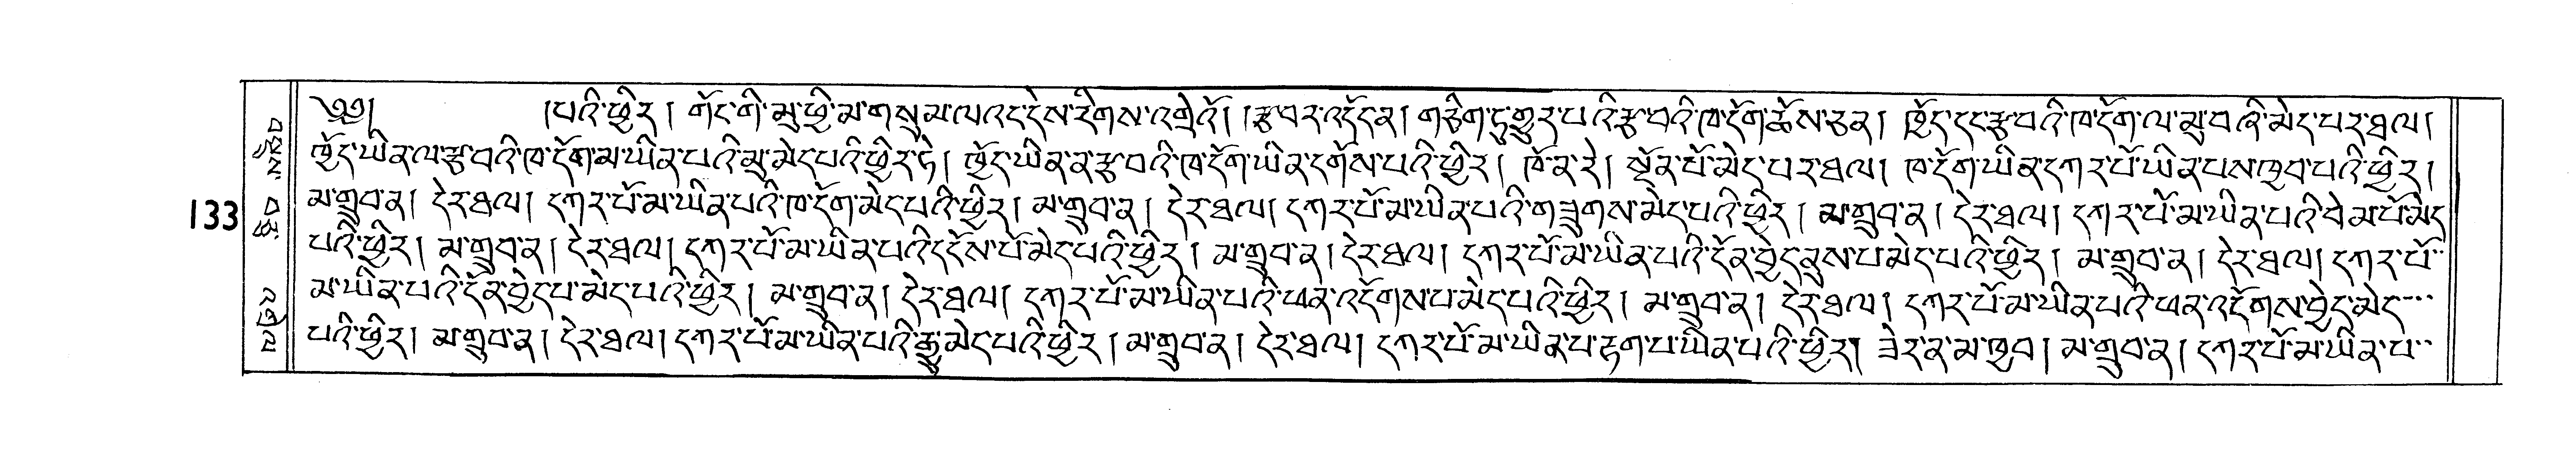༄༅། །པའི་ཕྱིར། གོང་གི་མུ་ཕྱི་མ་གསུམ་ལའང་དེས་རིགས་འགྲེའོ། །རྩ་བར་འདོད་ན། གཅིག་ཏུ་གྱུར་པའི་རྩ་བའི་ཁ་དོག་ཆོས་ཅན། ཁྱོད་དང་རྩ་བའི་ཁ་དོག་ལ་མུ་བཞི་མེད་པར་ཐལ།
ཁྱོད་ཡིན་ལ་རྩ་བའི་ཁ་དོག་མ་ཡིན་པའི་མུ་མེད་པའི་ཕྱིར་ཏེ། ཁྱོད་ཡིན་ན་རྩ་བའི་ཁ་དོག་ཡིན་དགོས་པའི་ཕྱིར། ཁོ་ན་རེ། སྔོན་པོ་མེད་པར་ཐལ། ཁ་དོག་ཡིན་དཀར་པོ་ཡིན་པས་ཁྱབ་པའི་ཕྱིར།
མ་གྲུབ་ན། དེར་ཐལ། དཀར་པོ་མ་ཡིན་པའི་ཁ་དོག་མེད་པའི་ཕྱིར། མ་གྲུབ་ན། དེར་ཐལ། དཀར་པོ་མ་ཡིན་པའི་གཟུགས་མེད་པའི་ཕྱིར། མ་གྲུབ་ན། དེར་ཐལ། དཀར་པོ་མ་ཡིན་པའི་བེམ་པོ་མེད་
པའི་ཕྱིར། མ་གྲུབ་ན། དེར་ཐལ། དཀར་པོ་མ་ཡིན་པའི་དངོས་པོ་མེད་པའི་ཕྱིར། མ་གྲུབ་ན། དེ་ཐལ། དཀར་པོ་མ་ཡིན་པའི་དོན་བྱེད་ནུས་པ་མེད་པའི་ཕྱིར། མ་གྲུབ་ན། དེར་ཐལ། དཀར་པོ་
མ་ཡིན་པའི་དོན་བྱེད་པ་མེད་པའི་ཕྱིར། མ་གྲུབ་ན། དེར་ཐལ། དཀར་པོ་མ་ཡིན་པའི་ཕན་འདོགས་པ་མེད་པའི་ཕྱིར། མ་གྲུབ་ན། དེར་ཐལ། དཀར་པོ་མ་ཡིན་པའི་ཕན་འདོགས་བྱེད་མེད་
པའི་ཕྱིར། མ་གྲུབ་ན། དེར་ཐལ། དཀར་པོ་མ་ཡིན་པའི་རྒྱུ་མེད་པའི་ཕྱིར། མ་གྲུབ་ན། དེར་ཐལ། དཀར་པོ་མ་ཡིན་པའི་རྟག་པ་ཡིན་པའི་ཕྱིར། ཟེར་ན་མ་ཁྱབ། མ་གྲུབ་ན། དཀར་པོ་མ་ཡིན་པ་